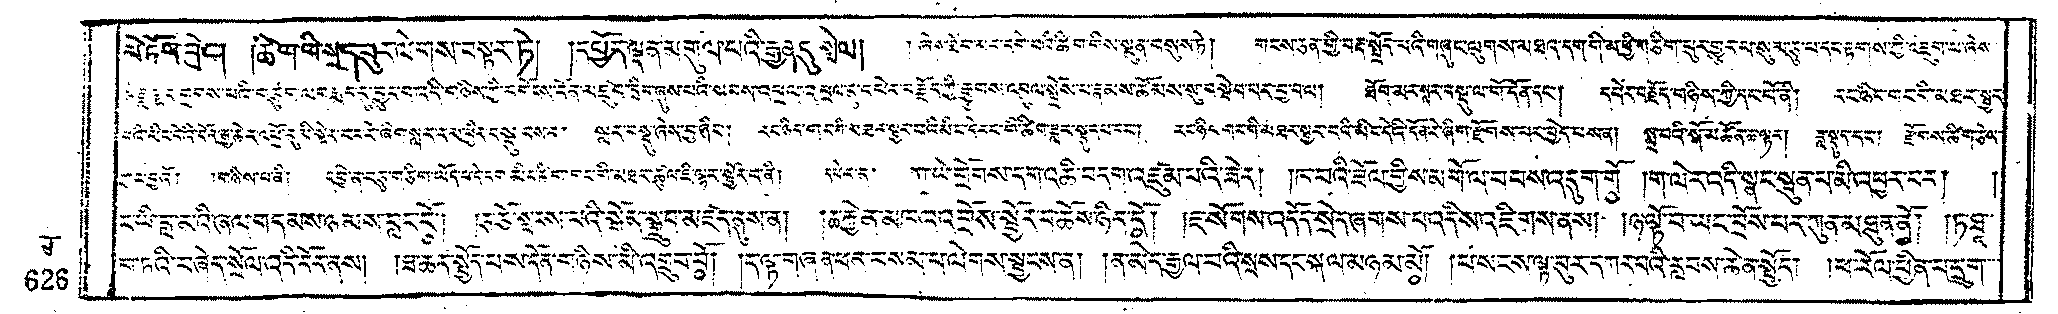མེ་ཏོག་བྲེང་། །ཚིག་གི་སྲད་བུར་ལེགས་བསྟར་ཏེ། །དཔྱོད་ལྡན་མགུལ་པའི་རྒྱན་དུ་སྤེལ། །ཞེས་ཐོག་མར་དགེ་བའི་ཚིག་གིས་སྡུན་བསུས་ཏེ། གངས་ཅན་གྱི་བརྡ་སྤྲོད་པའི་གཞུང་ལུགས་མཐའ་དག་གི་མ་ཕྱི་གཅིག་པུར་གྱུར་པ་སུམ་ཅུ་པ་དང་རྟགས་ཀྱི་འཇུག་པ་ཞེས་
ཉི་ཟླ་ལྟར་གྲགས་པའི་གཙུག་ལག་རྨད་དུ་བྱུང་བ་འདི་གཉིས་ཀྱི་དགོངས་དོན་མཛུབ་ཁྲིད་ཞུས་པའི་སྐབས་འཕྲལ་འཕྲལ་དུ་དཔེར་བརྗོད་ཀྱི་རྒྱུགས་འབུལ་སྤྲོས་པ་རྣམས་ཚོམས་སུ་བསྡེབ་པར་བྱ་བ་ལ། ཐོག་མར་སླར་བསྡུ་ལ་གོ་དོན་དང་། དཔེར་བརྗོད་གཉིས་ཀྱི་དང་པོ་ནི། རང་ཉིད་གང་གི་མཐར་སྦྱར་
པའི་མིང་དེའི་དོན་རྒྱ་ཆེར་འཕྲོ་རུ་མི་སྟེར་བར་རེ་ཞིག་སླར་རམ་ཕྱིར་བསྡུ་བས་ན། སླར་བསྡུ་ཞེས་བྱ་ཞིང་། རང་ཉིད་གང་གི་མཐར་སྦྱར་བའི་མིང་དེ་རང་གི་ཚིག་ཟླར་སྡུད་པ་དང་། རང་ཉིད་གང་གི་མཐར་སྦྱར་བའི་མིང་དེའི་དོན་རེ་ཞིག་རྫོགས་པར་བྱེད་པས་ན། སྨྲ་བའི་སྒོ་མཚོན་ཆ་ལྟར། ཟླ་སྡུད་དང་། རྫོགས་ཚིག་ཅེས་
ཀྱང་བྱའོ། །གཉིས་པ་ནི། དབྱེ་ན་བཅུ་གཅིག་ཡོད་པ་དེ་དག་མིང་ཚིག་གང་གི་མཐར་ཚུལ་ཇི་ལྟར་སྦྱོར་བ་ནི། དཔེར་ན། ཀྭ་ཡེ་གྲོགས་དག་འཆི་བདག་འཛུམ་པའི་ཟེར། །ཁ་བའི་ཟོལ་གྱིས་མགོ་ལ་བབས་འདུག་གོ །ག་ལེར་འདི་སྣང་སྦུན་པ་མི་འཕྱར་བར། །
ང་ཡི་བླ་མའི་ཞལ་གདམས་ཉམས་བླང་ངོ྾། །ཅ་ཅོ་སྤངས་པའི་སྒོམ་སྒྲུབ་མཛད་ནུས་ན། །ཆ་རྐྱེན་མཁའ་འགྲོས་སྦྱོར་བ་ཆོས་ཉིད་དོ྾། །ཇ་སོགས་འདོད་སྲེད་ཞགས་པ་འདིས་འཇིགས་ནས། །ཉ་ལྟོ་བ་ཡང་བྲོས་པར་ཀུན་མཐུན་ནོ། །ཏ་ཐཱ་་་
ག་ཏའི་བཞེད་སྲོལ་འདི་དོར་ནས། །ཐ་ཆད་སྤྱོད་པས་དོན་གཉིས་མི་འགྲུབ་བོ྾། །ད་ལྟ་གཞན་ཕན་བསམ་པ་ལེགས་སྦྱངས་ན། །ན་མེད་རྒྱལ་བའི་སྲས་དང་སྐལ་མཉམ་མོ྾། །པ་སངས་ལྟ་བུར་དཀར་བའི་རླབས་ཆེན་སྤྱོད། །ཕ་རོལ་ཕྱིན་པ་དྲུག་་་